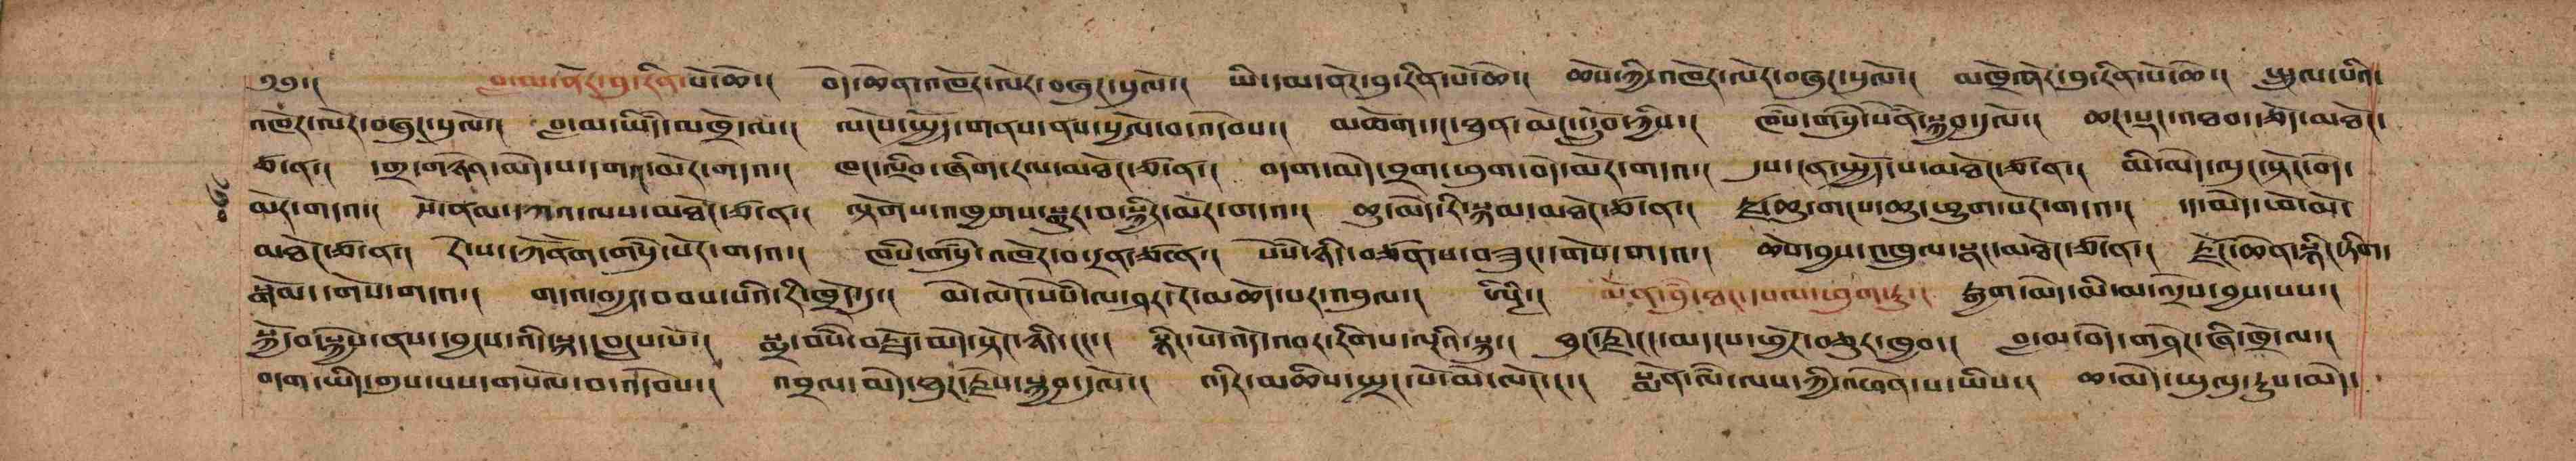༄༅།། བླ་མ་ནོར་བུ་རིན་པོ་ཆེ།། བདེ་ཆེན་འཁོར་ལོར་བཞུགས་སུ་གསོལ།། ཡི་དམ་ནོར་བུ་རིན་པོ་ཆེ།། ཆོས་ཀྱི་འཁོར་ལོར་བཞུགས་སུ་གསོལ།། མཁའ་འགྲོ་ནོར་བུ་རིན་པོ་ཆེ།། སྤྲུལ་པའི་
འཁོར་ལོར་བཞུགས་སུ་གསོལ།། བླ་མ་ཡིད་དམ་མཁའ་འགྲོ་ལ།། ལོངས་སྤྱོད་གནས་ནས་གསོལ་བ་འདེབས།། མཆོག་དང་ཐུན་མོང་དངོས་གྲུབ་ཀྱིས།། ཁམས་གསུམ་སེམས་ཅན་སྐྱབས་ཏུ་གསོལ།། ཆགས་སྡང་འཐབ་རྩོད་མཐོང་
ཙ་ན།། དགྲ་གཉེན་མེད་པ་དགའ་མོར་གདའ།། ཁང་ལྡིབ་ཞིག་རལ་མཐོང་ཙ་ན།། བདག་མེད་བྲག་ཕུག་བདེ་མོར་གདའ།། དུས་ངན་སྤྱོད་པ་མཐོང་ཙ་ན།། མི་མེད་ལུང་སྟོང་བདེ་
མོར་གདའ།། སོ་ནམ་དཀའ་ལས་མཐོང་ཙ་ན།། ལྟོགས་འཁྱགས་སྒྱུར་བ་སྐྱིད་མོར་གདའ།། ཆུ་མེད་རི་སྐམ་མཐོང་ཙ་ན།། རྫ་ཆུ་གངས་ཆུ་ཕྱུག་པོར་གདའ།། དད་མེད་ཕོ་མོ་
མཐོང་ཙ་ན།། རེ་ས་དཀོན་མཆོག་གསུམ་པོར་གདའ།། ཁམས་གསུམ་འཁོར་བ་དྲན་ཙ་ན།། སེམས་ཉིད་བཙན་ས་བཟུང་དགོས་གདའ།། ཆོས་བྱས་འཁྲུལ་སྣང་མཐོང་ཙ་ན།། རྫོགས་ཆེན་སྙིང་ཏིག་
སྒོམ་དགོས་གདའ།། གདའ་བརྒྱད་བབས་པའི་རི་ཁྲོད་དུ།། མེ་ལོང་སེམས་ལ་ཤར་རོ་མཆོད་པར་འབུལ།། ཨིཊི།། མོན་བུམ་ཐང་དཔལ་ཕུག་ཏུ།། རྒྱག་མེད་མི་མ་འདྲེས་བྱས་པས།། 
སྐྱོི་བ་སྐྱེས་ནས་དབྱངས་འདི་སྐད་བླངས་སོ།། སྨྲ་བསམ་བརྗོད་མེད་སྟོང་ཉིད་ངང་།། སྙིང་པོ་འོད་འབར་རིགས་ལྔའི་སྐུ།། ཐུགས་རྗེ་ངང་མདངས་ཕྱོགས་བཅུར་ཁྱབ།། བླ་མ་བདེ་གཤེགས་ཞི་ཁྲོ་ལ།། 
བདག་ཡིད་གུས་པས་གསོལ་བ་འདེབས།། འབྲལ་མེད་ཐུགས་རྗེས་བསྐྱབ་ཏུ་གསོལ།། འདིར་མཆིས་སྤྲང་པོ་མེ་ལོང་ང་།། སྨོན་ལམ་ལས་ཀྱི་འཕེན་པ་ཡིས།། ཆ་མེད་ཡུལ་དུ་རྒྱུས་མེད་